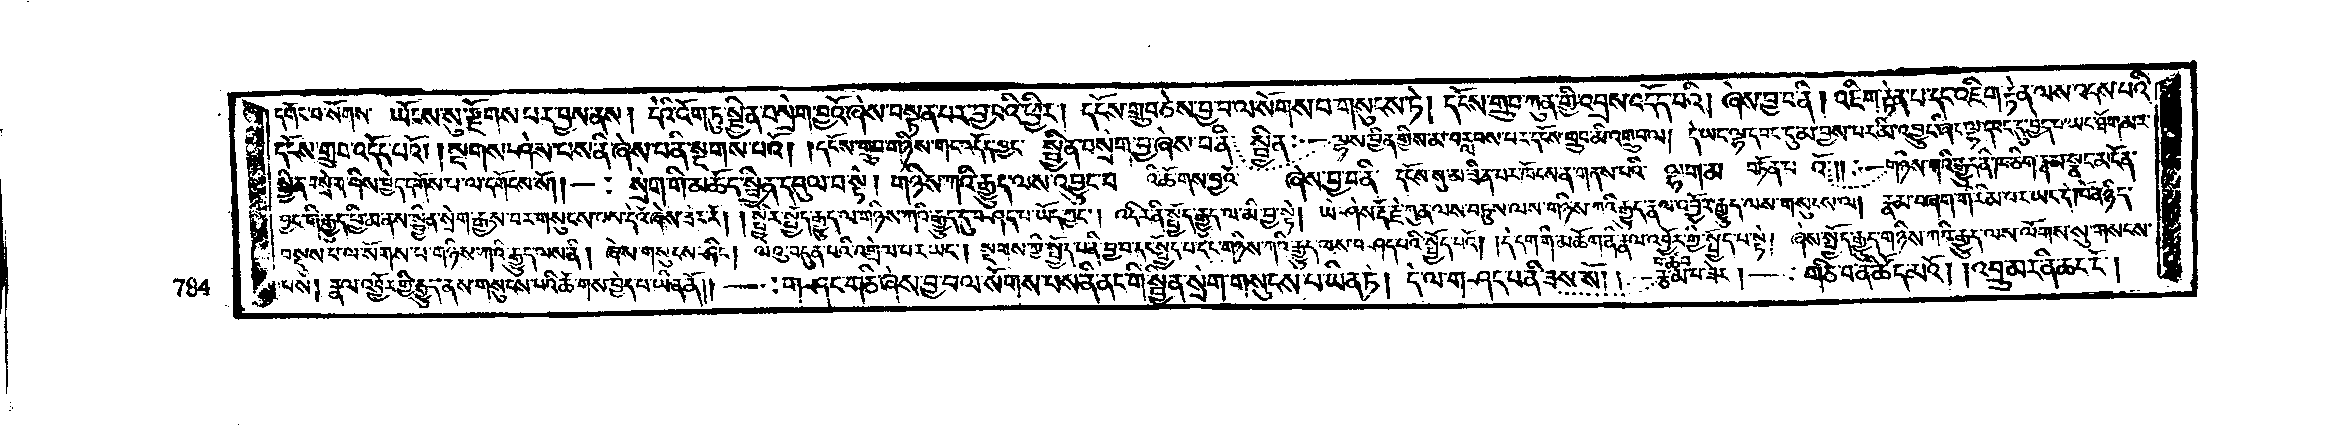དགོད་པ་སོགས་ཡོངས་སུ་རྫོགས་པར་བྱས་ནས། དེའི་འོག་ཏུ་སྦྱིན་བསྲེག་བྱའོ་ཞེས་བསྟན་པར་བྱ་བའི་ཕྱིར། དངོས་གྲུབ་ཅེས་བྱ་བ་ལ་སོགས་པ་གསུངས་ཏེ། དངོས་གྲུབ་ཀུན་གྱི་འབྲས་འདོད་པའི། ཞེས་བྱ་བ་ནི། འཇིག་རྟེན་པ་དང་འཇིག་རྟེན་ལས་འདས་པའི་
དངོས་གྲུབ་འདོད་པའོ། །སྔགས་ཤེས་པས་ནི་ཞེས་པ་ནི་སྔགས་པའོ། ། དངོས་གྲུབ་གཉིས་གང་འདོད་ཀྱང་སྦྱིན་བསྲེག་བྱ་ཞེས་པ་ནི་སྦྱིནཿ་ལྷས་བྱིན་གྱིས་མ་བརླབས་པར་དངོས་གྲུབ་མི་འགྲུབ་ལ། དེ་ཡང་ལྷ་དབང་དུ་མ་བྱས་པར་མི་འབྱུང་ཞིང་ལྷ་དབང་དུ་བྱེད་པ་ཡང་ཐོག་མར་
སྦྱིན་བསྲེག་གིས་བྱེད་དགོས་པ་ལ་དགོངས་སོ།། .H སྲེག་གི་མཆོད་སྦྱིན་དབུལ་བ་སྟེ། གཉིས་ཀའི་རྒྱུད་ལས་འབྱུང་བའི་ཆོགས་བྱའོ་ཞེས་བྱ་བ་ནི་དངོས་སུ་མ་ཟིན་པར་ཁོངས་ན་གནས་པའི་ལྷག་མ་བཏོན་པའོ།། H.་གཉིས་ཀའི་རྒྱུད་ནི་ཁ་ཅིག་རྣམ་སྣང་མངོན་
བྱང་གི་རྒྱུད་ཕྱི་མ་ནས་སྦྱིན་སྲེག་རྒྱས་པར་གསུངས་པས་དེའི་ཞེས་ཟེར་རོ། །སྤྱིར་སྤྱོད་རྒྱུད་ལ་གཉིས་ཀའི་རྒྱུད་དུ་བཤད་པ་ཡོད་ཀྱང་། འདིར་ནི་སྤྱོད་རྒྱུད་ལ་མི་བྱ་སྟེ། ཡེ་ཤེས་རྡོ་རྗེ་ཀུན་ལས་བཏུས་ལས་གཉིས་ཀའི་རྒྱུད་རྣལ་འབྱོར་རྒྱུད་ལས་གསུངས་ལ། རྣམ་བཞག་གི་རིམ་པ་ཡང་དེ་ཁོ་ན་ཉིད་
བསྡུས་པ་ལ་སོགས་པ་གཉིས་ཀའི་རྒྱུད་ལས་ནི། ཞེས་གསུངས་ཤིང་། ལེའུ་བདུན་པའི་འགྲེལ་པར་ཡང་། སྔགས་ཀྱི་སྤྱོད་པ་ནི་བྱ་བ་དང་སྤྱོད་པ་དང་གཉིས་ཀའི་རྒྱུད་ལས་བཤད་པའི་སྤྱོད་པའོ། །དེ་དག་གི་མཆོག་ནི་རྣལ་འབྱོར་གྱི་སྤྱོད་པ་སྟེ། ཞས་སྤྱོད་རྒྱུད་གཉིས་ཀའི་རྒྱུད་ལས་ལོགས་སུ་གསུངས་
པས། རྣལ་འབྱོར་གྱི་རྒྱུད་ནས་གསུངས་པའི་ཆོ་གས་བྱེད་པ་ཡིན་ནོ།། .H གཤང་གཅི་ཞེས་བྱ་བ་ལ་སོགས་པས་ནི་ནང་གི་སྦྱིན་སྲེག་གསུངས་པ་ཡིན་ཏེ། དེ་ལ་གཤང་པ་ནི་ཟས་སོ།། H.་པ་ཚབ་རྩམ་པ་ཟེར། .H གཅི་བ་ནི་ཚེ་མའོ། །འབྲུ་མར་ནི་ཆང་ངོ།